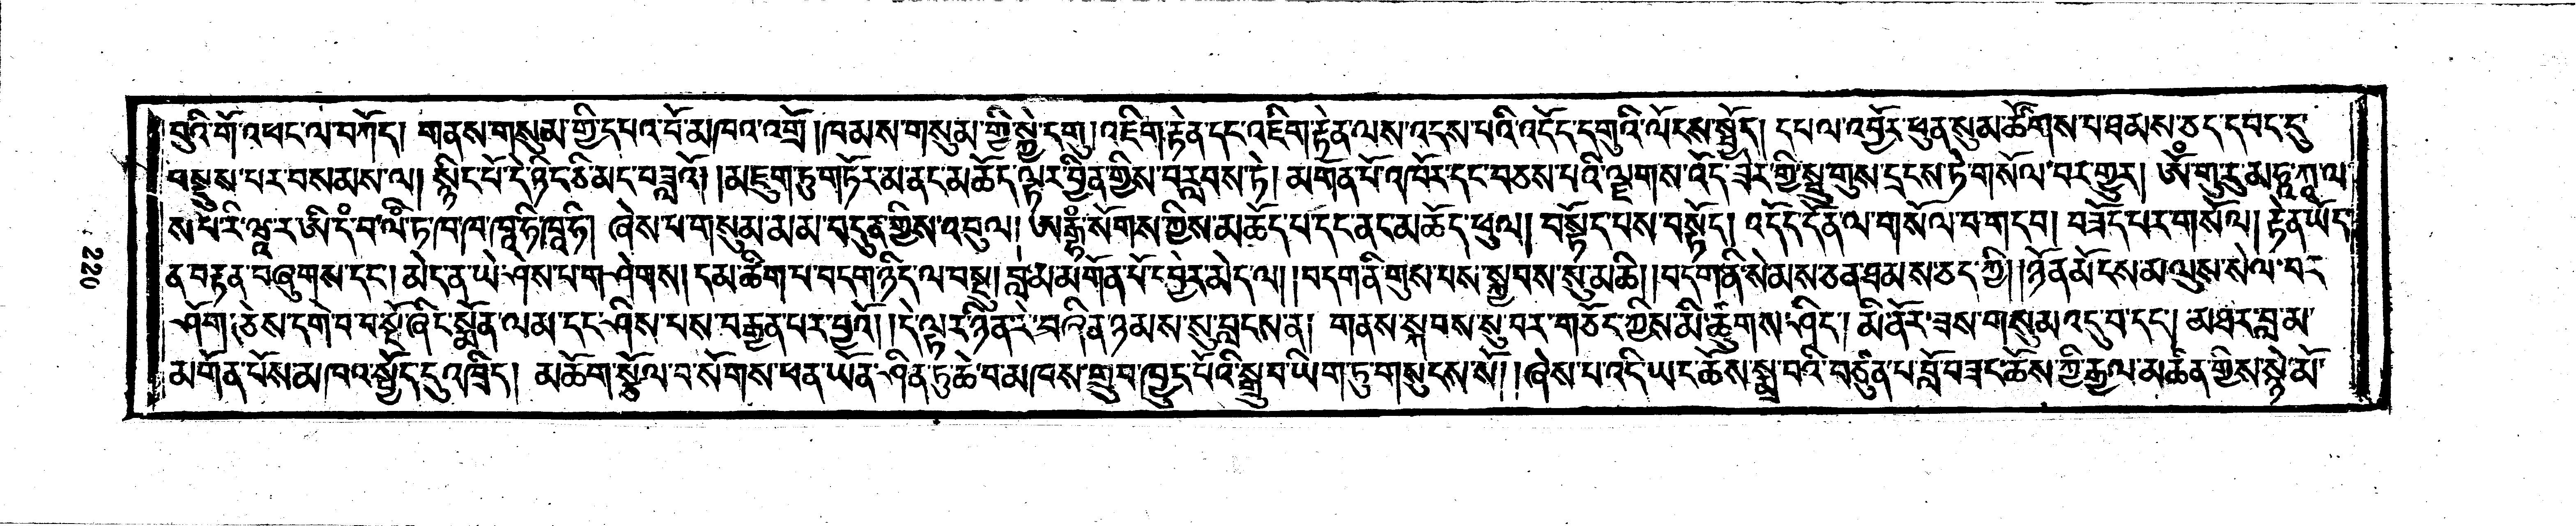བུའི་གོ་འཕང་ལ་བཀོད། གནས་གསུམ་གྱི་དཔའ་བོ་མཁའ་འགྲོ་།ཁམས་གསུམ་གྱི་སྐྱེ་དགུ །འཇིག་རྟེན་དང་འཇིག་རྟེན་ལས་འདས་པའི་འདོད་དགུའི་ལོངས་སྤྱོད། དཔལ་འབྱོར་ཕུན་སུམ་ཚོགས་པ་ཐམས་ཅད་དབང་དུ་
བསྡུས་པར་བསམས་ལ། སྙིང་པོ་དེ་ཉིད་ཅི་མང་བཟླའོ། །མཇུག་ཏུ་གཏོར་མ་ནང་མཆོད་ལྟར་བྱིན་གྱིས་བརླབས་ཏེ། མགོན་པོ་འཁོར་དང་བཅས་པའི་ལྗགས་འོད་ཟེར་གྱི་སྦུ་གུས་དྲངས་ཏེ་གསོལ་བར་གྱུར། ཨོཾ་གུ་རུ་མཧཱ་ཀཱ་ལ་
ས་པ་རི་ཝཱ་ར་ཨི་དཾ་བ་ལིཾ་ཏ་ཁ་ཁ་ཁཱ་ཧི་ཁཱ་ཧི། ཞེས་པ་གསུམ་མམ་བདུན་གྱིས་འབུལ། ཨརྒྷཾ་སོགས་ཀྱིས་མཆོད་པ་དང་ནང་མཆོད་ཕུལ། བསྟོད་པས་བསྟོད། །འདོད་དོན་ལ་གསོལ་བ་གདབ། བཟོད་པར་གསོལ། རྟེན་ཡོད་
ན་བརྟན་བཞུགས་དང་། མེད་ན་ཡེ་ཤེས་པ་གཤེགས། དམ་ཚིག་པ་བདག་ཉིད་ལ་བསྡུ། བླ་མ་མགོན་པོ་དབྱེར་མེད་ལ། །བདག་ནི་གུས་པས་སྐྱབས་སུ་མཆི། །བདག་ནི་སེམས་ཅན་ཐམས་ཅད་ཀྱི། །ཉོན་མོངས་མ་ལུས་སེལ་བར་
ཤོག །ཅེས་དགེ་བ་བསྔོ་ཞིང་སྨོན་ལམ་དང་ཤིས་པས་བརྒྱན་པར་བྱའོ། །དེ་ལྟར་ཉིན་རེ་བཞིན་ཉམས་སུ་བླངས་ན། གནས་སྐབས་སུ་བར་གཅོད་ཀྱིས་མི་ཚུགས་ཤིང་། མི་ནོར་ཟས་གསུམ་འདུ་བ་དང་། མཐར་བླ་མ་
མགོན་པོས་མཁའ་སྤྱོད་དུ་འཁྲིད། མཆོག་སྩོལ་བ་སོགས་ཕན་ཡོན་ཤིན་ཏུ་ཆེ་བ་མཁས་གྲུབ་ཁྱུང་པོའི་སྒྲུབ་ཡིག་ཏུ་གསུངས་སོ། །ཞེས་པ་འདི་ཡང་ཆས་སྨྲོ་བའི་བཙུན་པ་བློ་བཟང་ཆོས་ཀྱི་རྒྱལ་མཚན་གྱིས་སྙེ་མོ་